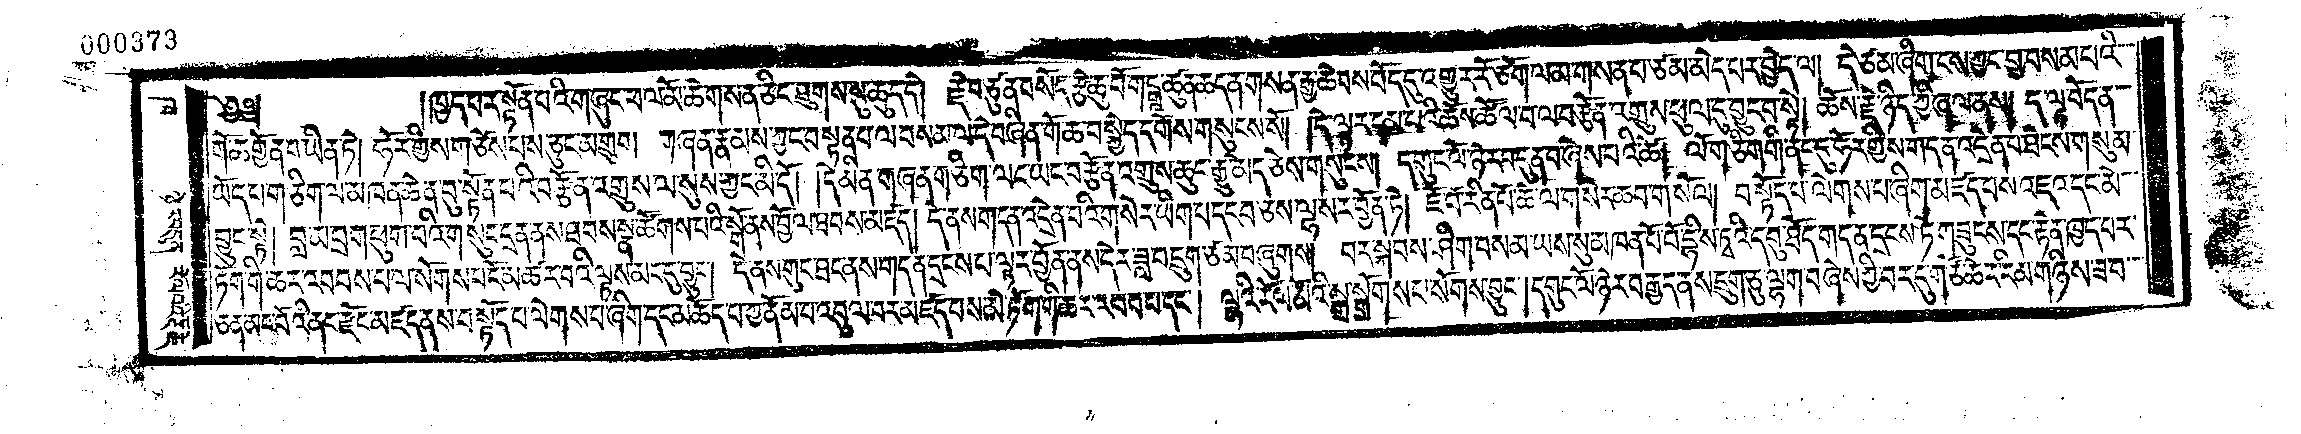༄༅། །ཁྱད་པར་སྟོན་པའི་གཞུང་ཕལ་མོ་ཆེ་གསན་ཅིང་ཐུགས་སུ་ཆུད་དེ། རྗེ་བཙུན་བསོད་རྩེ་ཆུ་བོ་གངྒཱ་ཚུན་ཆད་ན་གསན་རྒྱ་ཆེ་བས་བོད་དུ་འགྱུར་རོ་ཅོག་ལ་མ་གསན་པ་ཙམ་མེད་པར་བྱེད་ལ། དེ་ཙམ་ཞིག་ངས་ཀྱང་བྱ་བསམ་པའི་
གོ་ཆ་གྱོན་པ་ཡིན་ཏེ། ཧོར་གྱིས་གཅོས་པས་ཅུང་མ་གྲུབ། གཞན་རྣམས་ཀྱང་བསྟན་པ་ལ་བསམ་ལ་དེ་བཞིན་གོ་ཆ་བསྐྱེད་དགོས་གསུངས་སོ། །དེ་ལྟར་དམ་པའི་ཆོས་ཚོལ་བ་ལ་བརྩོན་འགྲུས་ཕུལ་དུ་བྱུང་བ་སྟེ། ཆོས་རྗེ་ཉིད་ཀྱི་ཞལ་ནས། ད་ལྟ་བོད་ན་
ཡོད་པ་གཅིག་ལ་མཁན་ཆེན་བུ་སྟོན་པའི་བརྩོན་འགྲུས་ལ་སུས་ཀྱང་མི་ངོ། །དེ་མིན་གཞན་གཅིག་ལ་ང་ཡང་བརྩོན་འགྲུས་ཆུང་རྒྱུ་མེད་ཅེས་གསུངས། དགུང་ལོ་ཉེར་བདུན་བཞེས་པའི་ཚེ། ལོ་གཅིག་གི་ནང་དུ་ཧོར་གྱིས་གདན་འདྲེན་པ་ཐེངས་གསུམ་
བྱུང་སྟེ། བླ་མ་བྲག་ཕུག?་པའི་གསུང་དྲན་ནས་ཐབས་སྣ་ཚོགས་པའི་སྒོ་ནས་བྱོལ་ཐབས་མཛད། དེ་ནས་གདན་འདྲེན་པའི་གསེར་ཡིག་བ་དང་བཅས་ལྷ་སར་བྱོན་ཏེ། ཇོ་བོ་རིན་པོ་ཆེ་ལ་གསེར་ཆབ་གསོལ། བསྟོད་པ་ལེགས་པ་ཞིག་མཛད་པས་འཇའ་དང་མེ་
ཏོག་གི་ཆར་འབབས་པ་སོགས་པ་ངོ་མཚར་བའི་ལྟས་མང་དུ་བྱུང་། དེ་ནས་གུང་ཐང་ནས་གདན་དྲངས་པ་ལྟར་བྱོན་ནས་དེར་ཟླ་བ་དྲུག་ཙམ་བཞུགས། བར་སྐབས་ཤིག་བསམ་ཡས་སུ་མཁན་པོ་བོ་དྷི་ས་ཏྭའི་དབུ་ཐོད་གདན་དྲངས་ཏེ་གཟུངས་དང་རྟེན་ཁྱད་པར་
ཅན་མང་པོའི་ནང་རྫོང་མཛད་ནས་བསྟོད་པ་ལེགས་པ་ཞིག་དང་མཆོད་པ་གྱ་ནོ་མ་པ་འབུལ་བར་མཛད་པས་མེ་ཏོག་གི་ཆར་འབབ་པ་དང་། ལྷའི་རོལ་མོའི་སྒྲ་སྒྲོགས་པ་སོགས་བྱུང་། དགུང་ལོ་ཉེར་བརྒྱད་ནས་དྲུག་ཅུ་ལྷག་བཞེས་ཀྱི་བར་དུ་གཅོ་ཆེར་རིམ་གཉིས་ཟབ་